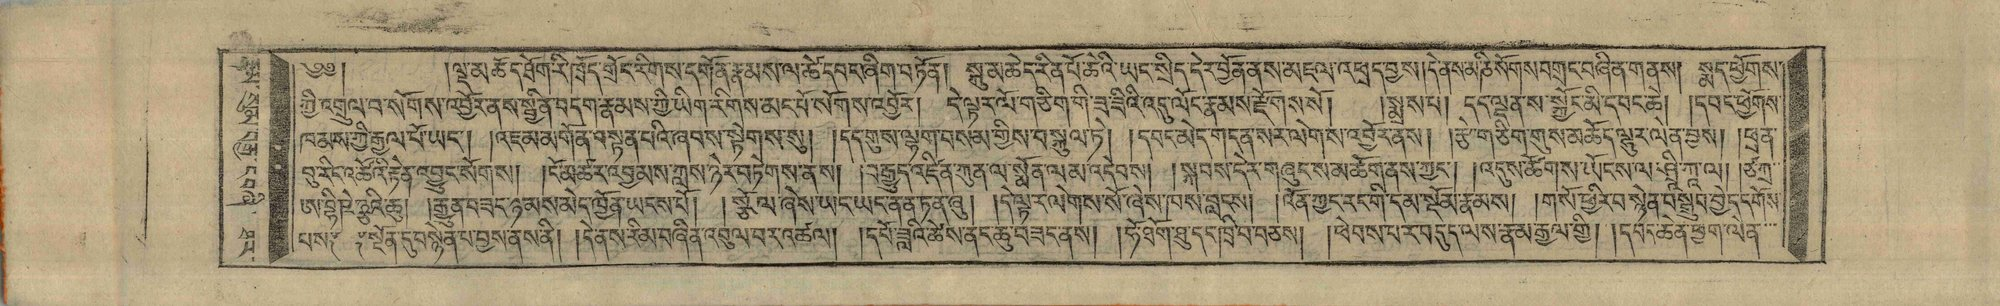༄༅། །སྔ་མཆོད་ཐོག་རི་ཁྲོད་གྲོང་རིགས་དགོན་རྣམས་ལ་ཚེ་དབང་ཞིག་བཏོན། སྐུ་མཆེད་རིན་པོ་ཆེའི་ཡང་སྲིད་དེར་བྱོན་ནས་མཇལ་འཕྲད་བྱས། དེ་ནས་མ་ཎི་སོགས་བགྲང་བཞིན་གནས། སྨད་ཕྱོགས་
ཀྱི་འགྲུལ་བ་སོགས་འབྱོར་ནས་སྦྱིན་བདག་རྣམས་ཀྱི་ཡིག་རིགས་མང་པོ་སོགས་འབྱོར། དེ་ལྟར་ལོ་གཅིག་གི་ཟ་ཟིའི་འདུ་ལོང་རྣམས་རྫོགས་སོ། །སྨྲས་པ། དང་ལྡན་ས་སྐྱོང་མི་དབང་ཆེ། །དབང་ཕྱོགས་
ཁམས་ཀྱི་རྒྱལ་པོ་ཡང་། །འཇམ་མགོན་བསྟན་པའི་ཞབས་སྟེགས་སུ། །དད་གུས་ལྷག་བསམ་གྱིས་བསྐུལ་ཏེ། །དབང་མེད་གདན་སར་ལེགས་འབྱོར་ནས། །རྩེ་གཅིག་གུས་མཆོད་ལྷུར་ལེན་བྱས། །ཕྲན་
བུ་རིང་འཚོའི་རྟེན་འབྱུང་སོགས། །ངོ་མཚར་འབྱམས་ཀླས་ཉེར་བཏེགས་ནས། །བརྒྱུད་འཛིན་ཀུན་ལ་སྨོན་ལམ་འདེབས། །སྐབས་དེར་གཞུང་ས་མཆོག་ནས་ཀྱང་། །འདུས་ཚོགས་ཡོངས་ལ་ཤྲཱི་ཀཱ་ལ། །ཙཀྲ་
ཨ་བྷི་ཥེ་ཉྩའི་ཆུ། །རྒྱུན་བཟང་ཉམས་མེད་ཁྱོན་ཡངས་པོ། །སྩོལ་ཞེས་ཡང་ཡང་ནན་ཏན་ཞུ། །དེ་ལྟར་ལེགས་སོ་ཞེས་ཁས་བླངས། །འོན་ཀྱང་རང་གི་དམ་སྡོམ་རྣམས། །གསོ་ཕྱིར་བསྙེན་བསྒྲུབ་བྱེད་དགོས་
པས། །སྔོན་དུ་བསྙེན་པ་བྱས་ནས་ནི། །དེ་ནས་རིམ་བཞིན་འབུལ་བར་འཚལ། །དབོ་ཟླའི་ཚེས་ནང་ཆུ་བཟང་ནས། །ཧོ་ཐོག་ཐུ་དང་ཁྲི་བ་བཅས། །ཕེབས་པར་བདུད་ལས་རྣམ་རྒྱལ་གྱི། །དབང་ཆེན་ཕྱག་ལེན་